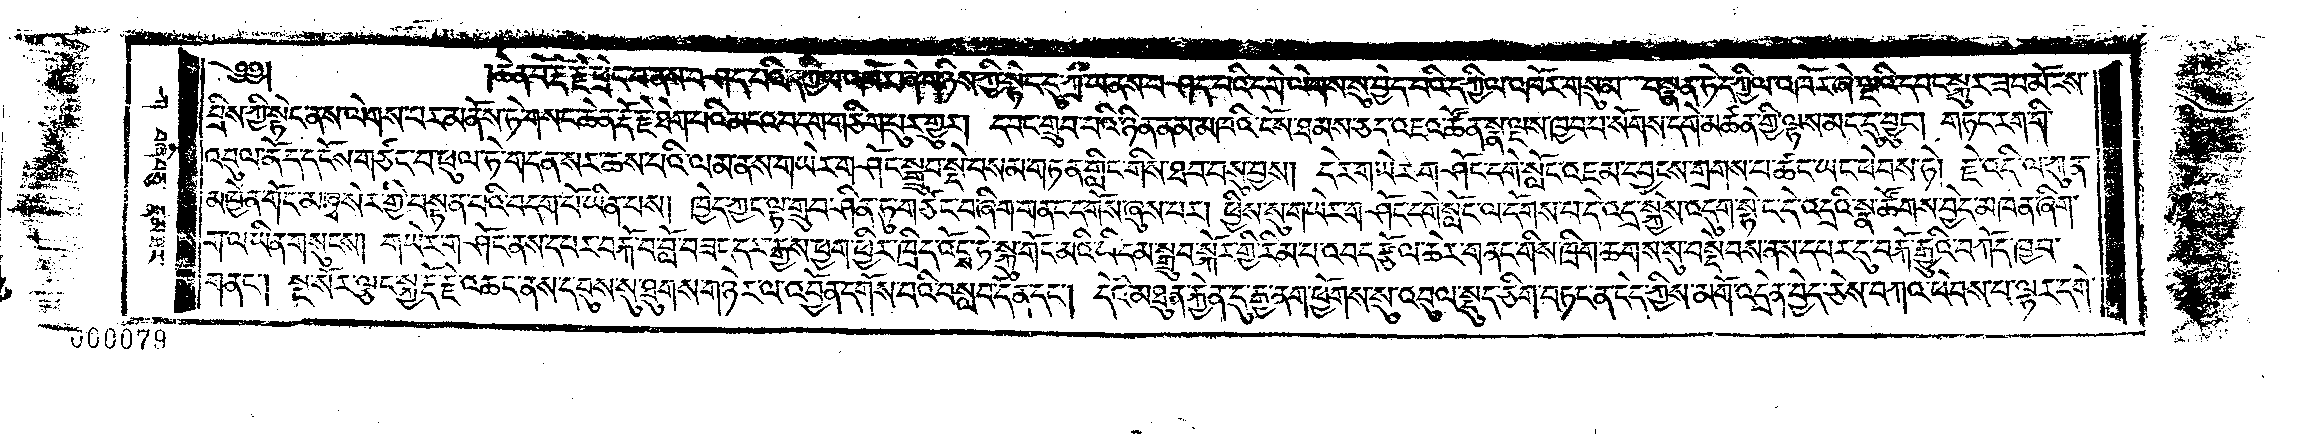༄༅། །ཆེན་པོ་རྡོ་རྗེ་ཕྲེང་བ་ནས་བཤད་པའི་དཀྱིལ་འཁོར་ཞེ་གཉིས་ཀྱི་སྟེང་དུ་ཀྲྀ་ཡ་ནས་བཤད་པའི་དགེ་ལེབས་སུ་བྱེད་པའི་དཀྱིལ་འཁོར་གསུམ་བསྣན་ཏེ་དཀྱིལ་འཁོར་ཞེ་ལྔའི་དབང་བསྐུར་ཟབ་མོངས་
བྲིས་ཀྱི་སྟེང་ནས་ལེགས་བར་མནོས་ཏེ་གསང་ཆེན་རྡོ་རྗེ་ཐེག་པའི་མངའ་བདག་གཅིག་པུར་གྱུར། དབང་གྲུབ་པའི་ཉིན་ནམ་མཁའི་ངོས་ཐམས་ཅད་འཇའ་ཚོན་སྣ་ལྔས་ཁྱབ་པ་སོགས་དགེ་མཚན་གྱི་ལྟས་མང་དུ་བྱུང་། གཏང་རག་གི་
འབུལ་ནོད་དངོས་གཙང་བ་ཕུལ་ཏེ་གདན་སར་ཆས་པའི་ལམ་ནས་གཡེར་གཤོང་སྒྲུབ་སྡེབས་མ་གཏན་གླིང་གིས་ཐབ་བསུ་བྱས། དེར་གཡེར་གཤོང་དགེ་སློང་འཇམ་དབྱངས་གྲགས་པ་ཚང་ཡང་ཕེབས་ཏེ། རྗེ་འདི་ལ་ཀུན་
མཁྱེན་གོང་མ་ཞྭ་སེར་གྱི་བསྟན་པའི་བདག་པོ་ཡིན་པས། ཁྱེད་ཀྱང་ལྟ་གྲུབ་ཤིན་ཏུ་གཙང་བཞིག་གནང་དགོས་ཞུས་པར། ཕྱིས་སུ་གཡེར་གཤོང་དགེ་སློང་ལ་དགོས་པ་དེ་འདྲ་སྐྱེས་འདུག་སྟེ་ང་དེ་འདྲའི་སྣ་ཚོགས་བྱེད་མཁན་ཞིག་
ག་ལ་ཡིན་གསུངས། གཡེར་གཤོང་ནས་དཔར་བརྐོ་བ་བློ་བཟང་དར་རྒྱས་ཕྱག་ཕྱིར་ཁྲིད་འོངས་ཏེ་སྐུ་གོང་མའི་ཡི་དམ་སྒྲུབ་སྐོར་གྱི་རིམ་པ་འབད་རྩོལ་ཆེར་གནང་གིས་ཁྲིག་ཆགས་སུ་བསྡེབས་ནས་དཔར་དུ་བརྐོ་རྒྱུའི་བཀོད་ཁྱབ་
གནང་། སྔ་སོང་ལྕང་སྐྱ་རྡོ་རྗེ་འཆང་ནས་དབུས་སུ་ཐུགས་གཉེར་ལ་འབྱོན་དགོས་པའི་བསླབ་དོན་དང་། དེའི་མཐུན་རྐྱེན་དུ་རྒྱ་ནག་ཕྱོགས་སུ་འབུལ་སྡུད་ཅིག་བཏང་ན་ངེད་ཀྱིས་མགོ་འདྲེན་བྱེད་ཅེས་བཀའ་ཕེབས་པ་ལྟར་དགེ་